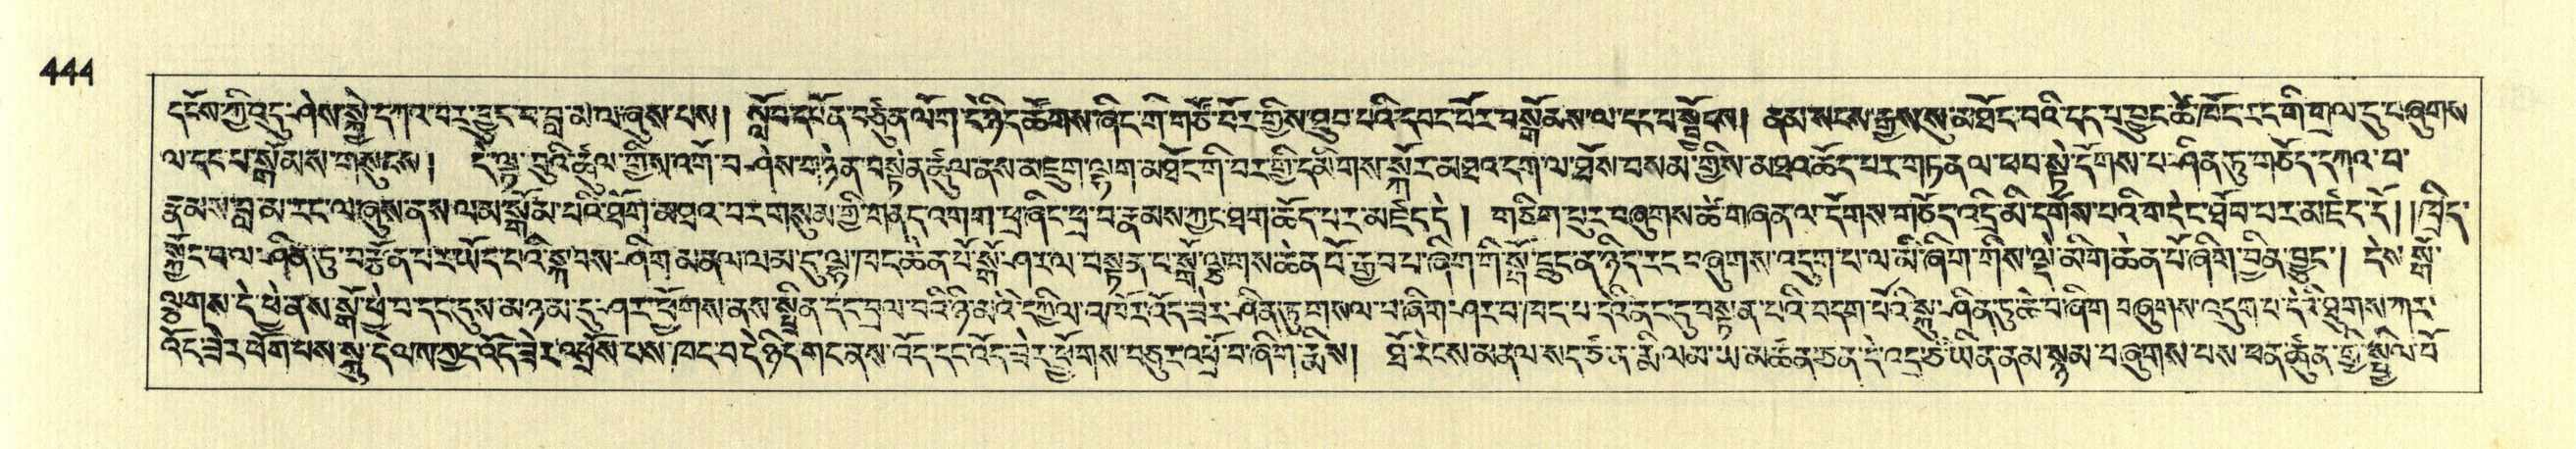དངོས་ཀྱི་འདུ་ཤེས་སྐྱེ་དཀའ་བར་བྱུང་བ་བླ་མ་ལ་ཞུས་པས། སློབ་དཔོན་བཙུན་ལོག་དེ་ཉིད་ཚོགས་ཞིང་གི་གཙོ་བོར་གྱིས་ཐུབ་པའི་དབང་པོར་བསྒོམས་ལ་དང་པ་སྦྱོངས། ནམ་སངས་རྒྱས་སུ་མཐོང་བའི་དད་པ་བྱུང་ཚེ་ཁོང་རང་གི་གྲལ་དུ་བཞུགས་
ལ་དང་པ་སྒོམས་གསུངས། དེ་ལྟ་བུའི་ཚུལ་གྱིས་འགོ་བཤེས་གཉེན་བསྟེན་ཚུལ་ནས་མཇུག་ལྷག་མཐོང་གི་བར་གྱི་དམིགས་སྐོར་མཐའ་དག་ལ་ཐོས་བསམ་གྱིས་མཐའ་ཆོད་པར་གཏན་ལ་ཕབ་སྟེ་དོགས་པ་ཤིན་ཏུ་གཅོད་དཀའ་བ་
རྣམས་བླ་མ་རང་ལ་ཞུས་ནས་ལམ་སྒོམ་པའི་ཐོག་མཐའ་བར་གསུམ་གྱི་གནད་འགའ་ཕྲ་ཞིང་ཕྲ་བ་རྣམས་ཀྱང་ཐག་ཆོད་པར་མཛད་དེ། གཅིག་པུར་བཞུགས་ཚེ་གཞན་ལ་དོགས་གཅོད་འདྲི་མི་དགོས་པའི་གདེང་ཐོབ་པར་མཛད་དོ། །ཁྲིད་
སྐྱོང་བ་ལ་ཤིན་ཏུ་བརྩོན་པར་ཡོད་པའི་སྐབས་ཤིག་མནལ་ལམ་དུ་ལྷ་ཁང་ཆེན་པོ་སྒོ་ཤར་ལ་བསྟན་པ་སྒོ་ལྕགས་ཆེན་པོ་རྒྱབ་པ་ཞིག་གི་སྒོ་དྲུང་ན་ཉིད་རང་བཞུགས་འདུག་པ་ལ་མི་ཞིག་གིས་ལྡེ་མིག་ཆེན་པོ་ཞིག་བྱིན་བྱུང་། དེས་སྒོ་
ལྕགས་དེ་ཕྱེ་ནས་སྒོ་ཕྱེ་བ་དང་དུས་མཉམ་དུ་ཤར་ཕྱོགས་ནས་སྤྲིན་དང་བྲལ་བའི་ཉི་མའི་དཀྱིལ་འཁོར་འོད་ཟེར་ཤིན་ཏུ་གསལ་བ་ཞིག་ཤར་བ་ཁང་པ་དེའི་ནང་དུ་བསྟན་པའི་བདག་པོའི་སྐུ་ཤིན་ཏུ་ཆེ་བ་ཞིག་བཞུགས་འདུག་པ་དེའི་ཐུགས་ཀར་
འོད་ཟེར་ཕོག་པས་སྐུ་དེ་ལས་ཀྱང་འོད་ཟེར་འཕྲོས་པས་ཁང་བ་དེ་ཉིད་གང་ནས་འོད་དང་འོད་ཟེར་ཕྱོགས་བཅུར་འཕོར་བ་ཞིག་རྨིས། ཐོ་རེངས་མནལ་སད་ཙ་ན་རྨི་ལམ་ཡ་མཚན་ཅན་དེ་འདྲ་ཅི་ཡིན་ནམ་སྙམ་བཞུགས་པས་ཕན་ཚུན་གྱི་སྤྱིལ་པོ་